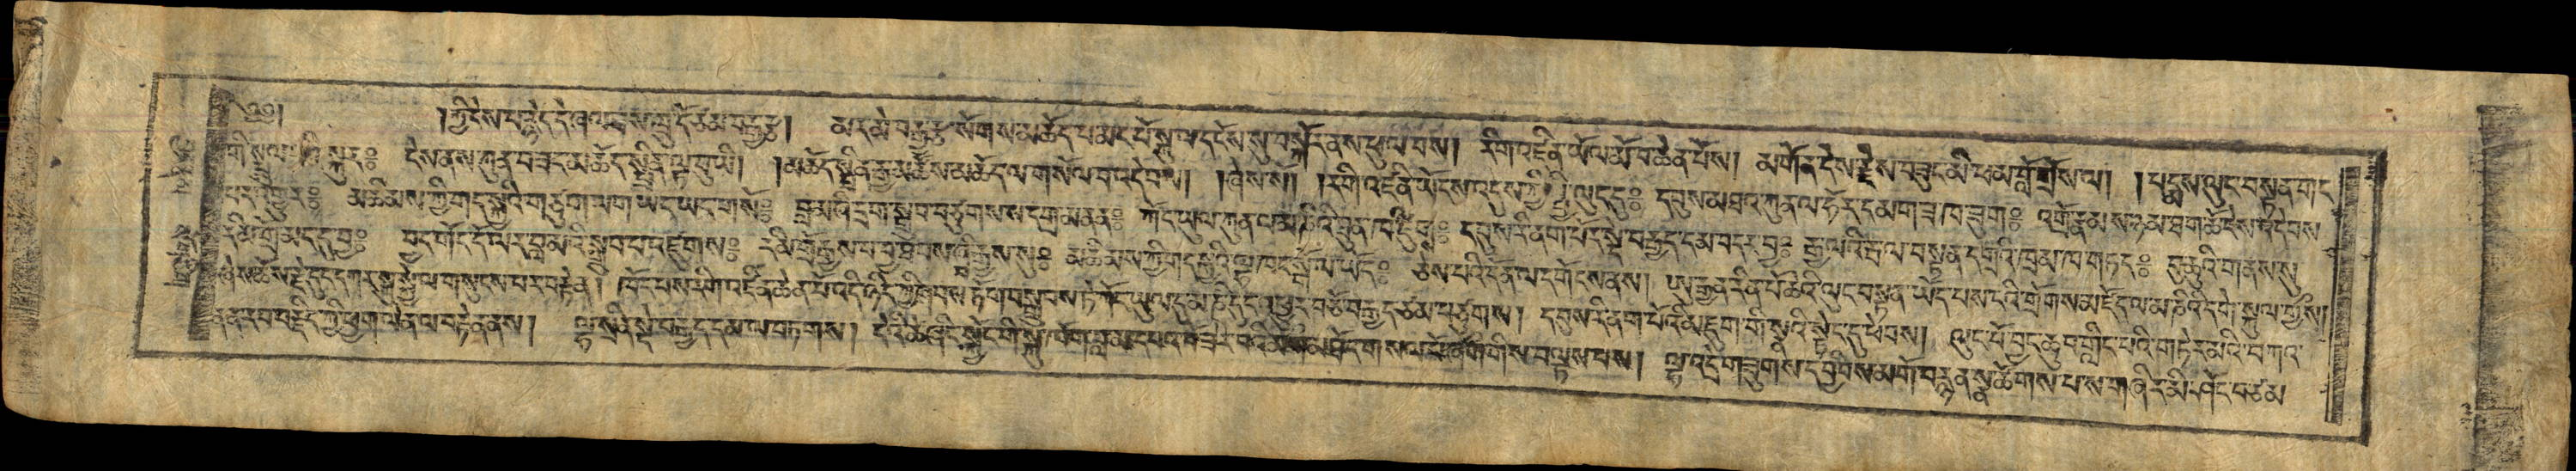༄༅། །ཀྱི་ངེས་པ་རྙེད་དེ་ཞལ་ཟས་ཁྲུ་དོ་ཙམ་བརྒྱ་རྩ། མར་མེ་བརྒྱ་རྩ་སོགས་མཆོད་པ་མང་པོ་སྐུ་ལ་དངོས་སུ་བསྐོར་ནས་ཕུལ་བས། རིག་འཛིན་ཡོལ་མོ་བ་ཆེན་པོས། མགོན་དེས་རྗེས་བཟུང་མི་ཕམ་བློ་གྲོས་ལ། །པདམས་ལུང་བསྟན་གང་
གི་སྤྲུལ་པའི་སྐུརཿ་ངེས་ནས་ཀུན་བཟང་མཆོད་སྤྲིན་ལྟ་བུ་ཡི། །མཆོད་སྤྲིན་རྒྱ་མཚོས་མཆོད་ལ་གསོལ་བ་འདེབས། །ཞེས་སོ། །རིག་འཛིན་ཡོངས་འདུས་ཀྱི་སྤྱི་ལུད་དུཿ་དབུས་མཐའ་ཀུན་ལ་ཧོར་དམག་ཟ་ཁ་ཟུགཿ་འགྲོ་རྣམས་ཉམ་ཐག་ཆོ་ངེས་འདེབས་
པར་འགྱུརཿ་མཆིམས་ཀྱི་གང་སྐྱའི་གཙུག་ལག་ཡང་ཡང་གསོཿ་བླ་མ་ཞི་དྲག་སྒྲུབ་བཙུགས་ས་དགྲ་མནནཿ་ཀོང་ཡུལ་ཀུན་ལ་མ་ཎིའི་ཐུན་ཁ་འཛུགསཿ་དབུས་རི་ནག་པོར་སྡེ་བརྒྱད་དམ་བདར་བྱཿ་རྒྱ་ལའི་རྦ་ལ་བསྟན་དགྲའི་ཁྲམ་ཁ་གཏངཿ་བུ་ཆུའི་གནས་སུ་
རིམ་གྲོ་མང་དུ་བྱཿ་བྱང་གོང་དོ་ལར་བླ་མའི་སྒྲུབ་པ་འཛུགསཿ་རིམ་གྲོ་རྒྱས་པ་བྱ་ཐབས་ཞིབ་རྒྱས་སུཿ་མཆིམས་ཀྱི་གང་སྐྱའི་ལྷ་ཁང་སྒོ་ལ་ཡོདཿ་ཅེས་པའི་དོན་ལ་དགོངས་ནས། ཨུ་རྒྱན་རིན་པོ་ཆེའི་ལུང་བསྟན་ཡོད་པས་ངའི་གྲོགས་མཛོད་ལ་མ་ཎིའི་དགེ་སྐུལ་གྱྀས།
ཞེས་ཆོས་རྗེ་དུང་དཀར་སྐུ་སྐྱེ་ལ་གསུངས་པར་བརྟེན། ཁོང་པས་རིག་འཛིན་ཆེན་པོ་འདི་ཉིད་ཀྱི་ཞབས་ཏོག་བསྒྲུབས་ཏེ་ཀོང་ཡུལ་དུ་མ་ཎི་དུད་འཕྱུར་བཅོ་བརྒྱད་ཙམ་བཙུགས། དབུས་རི་ནག་པོའི་མཇུག་གི་སྣའི་སྟེང་དུ་ཕེབས། ལུང་པོ་བྱང་ཆུབ་གླིང་པའི་གཏེར་མའི་བཀའ་
ནན་རབ་བརྗིད་ཀྱི་ཕྱག་ལེན་ལ་བརྟེན་ནས། ལྷ་སྲིན་སྡེ་བརྒྱད་དམ་ལ་བཏགས། དེའི་ཚེ་ཞིང་སྐྱོང་གི་སྐུ་ཁོག་བླ་མ་དཔའ་བོ་ཟར་བའི་མྀག་མཐོང་གསལ་པོ་ཞིག་གིས་བལྟས་པས། ལྷ་འདྲེ་གཟུགས་དབྱིབས་མགོ་བརྙན་སྣ་ཚོགས་པ་ས་གཞིར་མི་ཤོང་བ་ཙམ་